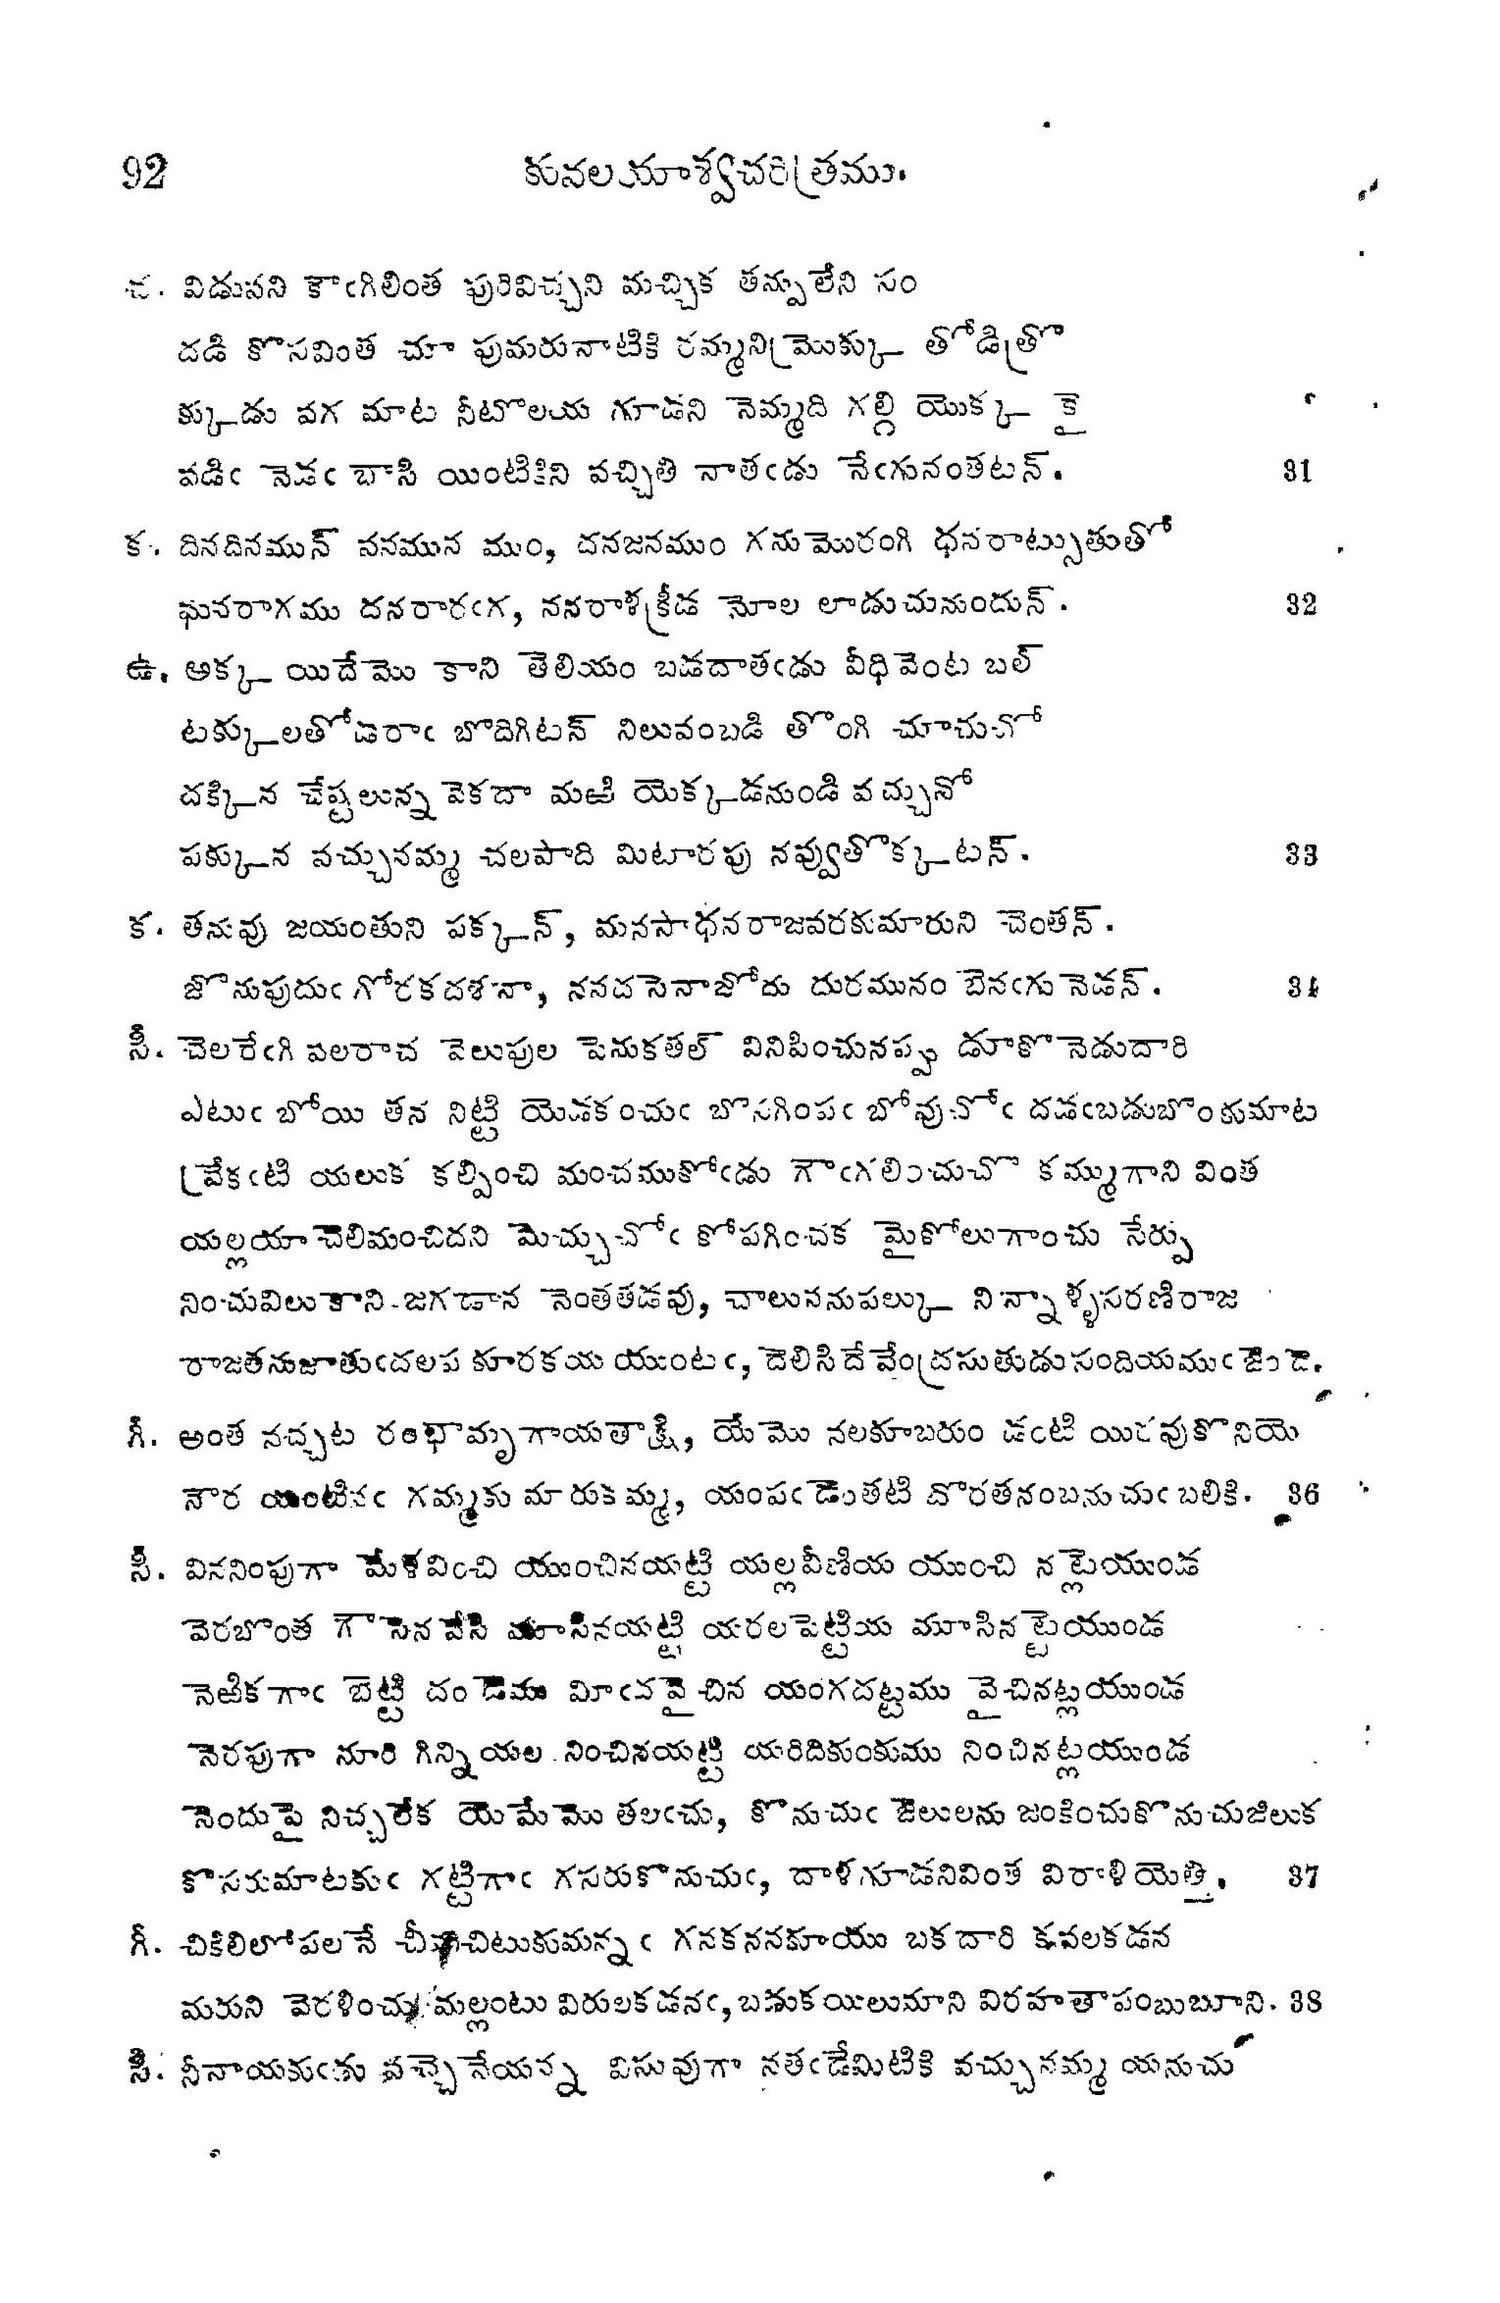చ. విడువని కౌఁగిలింత పురివిచ్చని మచ్చిక తన్పు లేని సం
దడి కొసవింత చూపు మరునాటికి రమ్మని మ్రొక్కు తోడిత్రొ
క్కుడు వగ మాట నీటొలయ గూడని నెమ్మది గల్గి యొక్క కై
వడిఁ నెడఁ బాసి యింటికిని వచ్చితి నాతఁడు నేఁగునంతటన్.
క. దినదినమున్ వనమున ముం, దనజనముం గను మొరంగి ధనరాట్సుతుతో
ఘనరాగము దనరారఁగ, ననరాళక్రీడ నోలలాడుచునుందున్.
ఉ. అక్క యిదేమొ కాని తెలియంబడ దాతఁడు వీధి థివెంట బల్
టక్కులతోడ రాఁ బొది గిటన్ నిలువంబడి తొంగి చూచుచో
దక్కిన చేష్టలున్నవెకదా మఱి యెక్కడనుండి వచ్చునో
పక్కున నవచ్చునమ్మ చలపాది మిటారపునవ్వు తొక్కటన్ ,.
క. తనువు జయంతుని క్కన్, మనసాధన రాజవరకుమారునిచెంతన్
జొనుపుదుఁ గోరకదశ'నా, ననదసెనాజోదు దురమునం బెనఁగునెడన్.
సీ. చెలరేఁగి వలరాచవెలుపుల పెనుకతల్ వినిపించునప్పు డూకొనెడుదారి
ఎటుఁ బోయి తన నిట్టి యెడకంచుఁ బొసగింపఁ బోవుచోఁ దడఁబడుబొంకుమాట
వ్రేకఁటి యలుక కల్పించి మంచముకోఁడు గౌఁగలించుచొ కమ్ముగాని వింత
యల్లయాచెలి మంచిదని మెచ్చుచోఁ కోపగించక మైకోలు గాంచు నేర్పు
నించువిలుకానిజగడాన నెంతతడవు, చాలునను పల్కు నిన్నాళ్ళసరణి రాజ
రాజతనుజాతుఁ దలప కూరకయ యుంటఁ, దెలిసి దేవేంద్రసుతుడు సందియముఁ జెందె.
గీ. అంత నచ్చట రంభామృగాయతాక్షి, యేమొ నలకూబరుం డంటి యిరవుకొనియె
నౌర యంటినఁ గమ్మకు మారుకమ్మ, యంపఁ డెంతటి దొరతనం బనుచుఁ బలికి.
సీ. విననింపుగా మేళవించి యుంచినయట్టి యల్లవీణియ యుంచి నట్లెయుండ
వెరబొంత గౌసెన వేసి మూసినయట్టి యరలపెట్టియ మూసినట్టెయుండ
నెఱికగాఁ బెట్టి దండెముమీఁద వైచిన యంగదట్టము వైచినట్లయుండ
నెరపుగా నూరి గిన్నియల నించినయట్టి యరిదికుంకుము నించినట్లయుండ
నెందుపై నిచ్చలేక యేమేమొ తలఁచు, కొనుచుఁ జెలులను జంకించుకొనుచు జిలుక
కొసరుమాటకుఁ గట్టిగాఁ గసరుకొనుచుఁ, దాళగూడని వింతవిరాళి యెత్తి.
గీ. చికిలిలోపలనే చీమ చిటుకుమన్నఁ గనకననకూయు బకదారి కవలకడన
మరుని వెరళించు మల్లంటు విరులకడనఁ, బడుకయిలు మాని విరహతాపంబు బూని.
సి. నీనాయకుఁడు వచ్చెనేయన్న విసువుగా నతఁ డేమిటికి వచ్చునమ్మ యనుచు